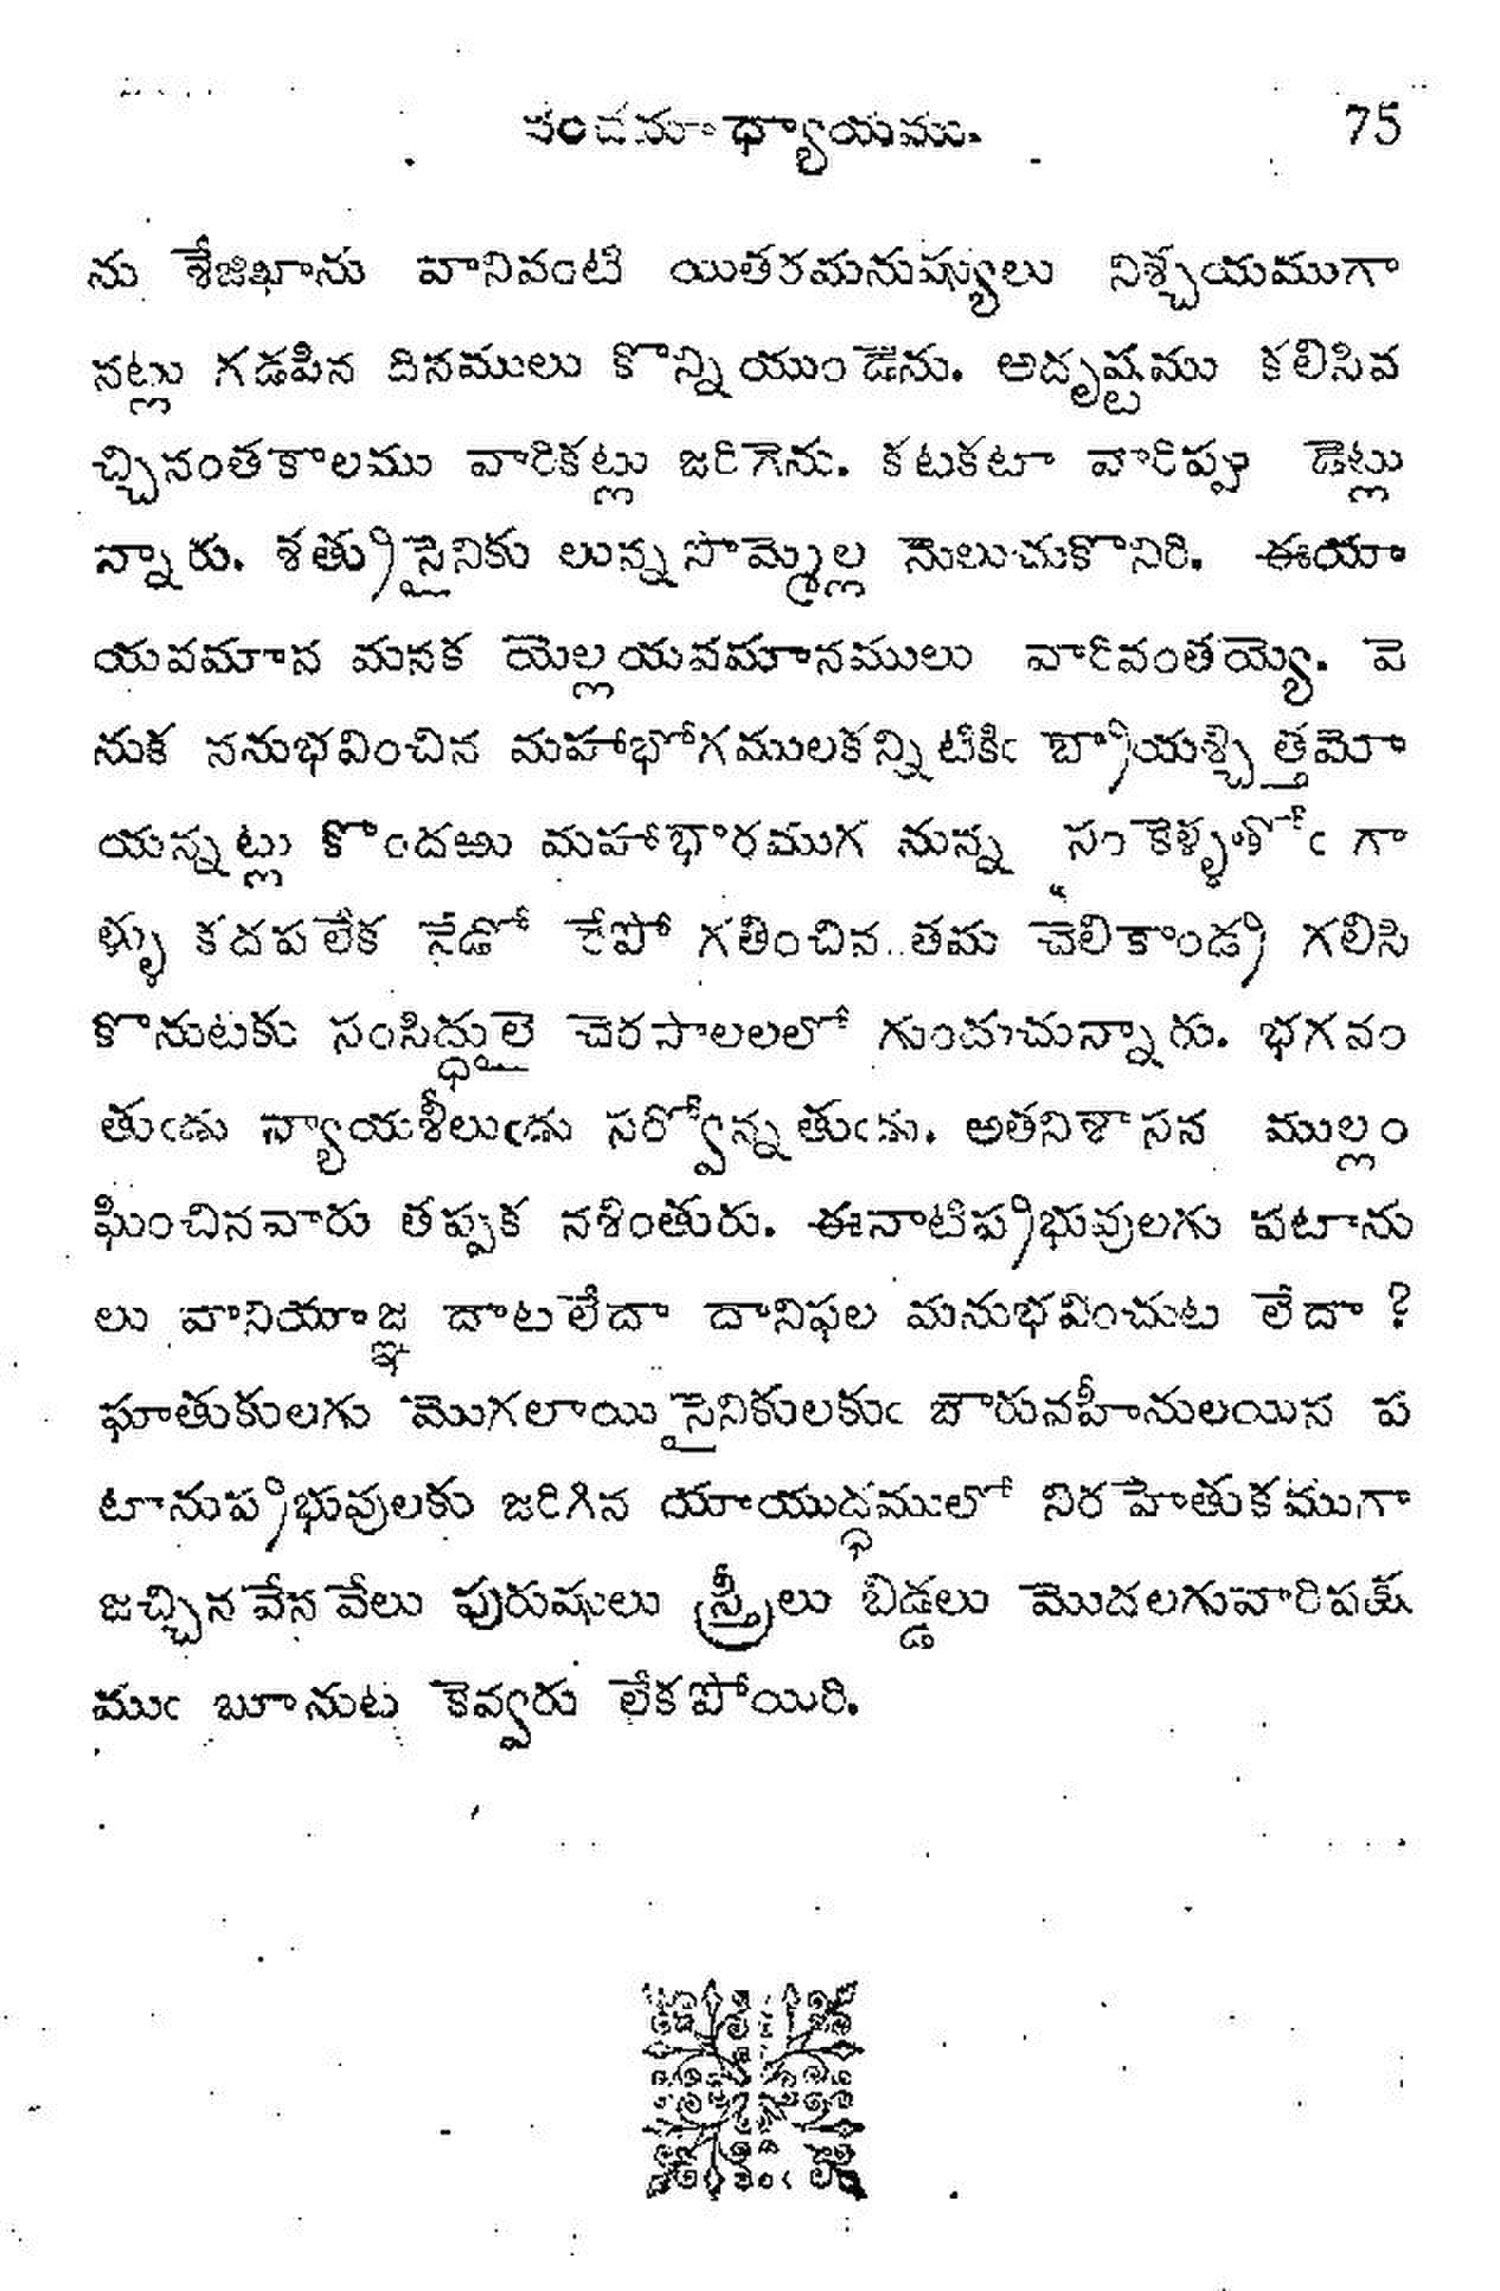ను శేజిఖాను వానివంటి యితరమనుష్యులు నిశ్చయముగా నట్లు గడపిన దినములు కొన్నియుండెను. అదృష్టము కలిసివచ్చినంతకాలము వారికట్లు జరిగెను. కటకటా వారిప్పు డెట్లున్నారు. శత్రుసైనికు లున్నసొమ్మెల్ల నొలుచుకొనిరి. ఈయా యవమాన మనక యెల్ల యవమానములు వారివంతయ్యె. వెనుక ననుభవించిన మహాభోగములకన్నిటికి బ్రాయశ్చిత్తమో యన్నట్లు కొందఱు మహాభారముగ నున్న సంకెళ్ళతో గాళ్ళు కదపలేక నేడో రేపో గతించిన తమ చెలికాండ్ర గలిసికొనుటకు సంసిద్ధులై చెరసాలలలో గుందుచున్నారు. భగవంతుడు న్యాయశీలుడు సర్వోన్నతుడు. అతనిశాసన ముల్లంఘించినవారు తప్పక నశింతురు. ఈనాటిప్రభువులగు పటానులు వానియాజ్ఞ దాటలేదా దానిఫల మనుభవించుట లేదా? ఘాతుకులగు మొగలాయి సైనికులకు బౌరువహీనులయిన పటానుప్రభువులకు జరిగిన యాయుద్ధములో నిరహేతుకముగా జచ్చిన వేనవేలు పురుషులు స్త్రీలు బిడ్డలు మొదలగువారిపక్షము బూనుట కెవ్వరు లేకపోయిరి.